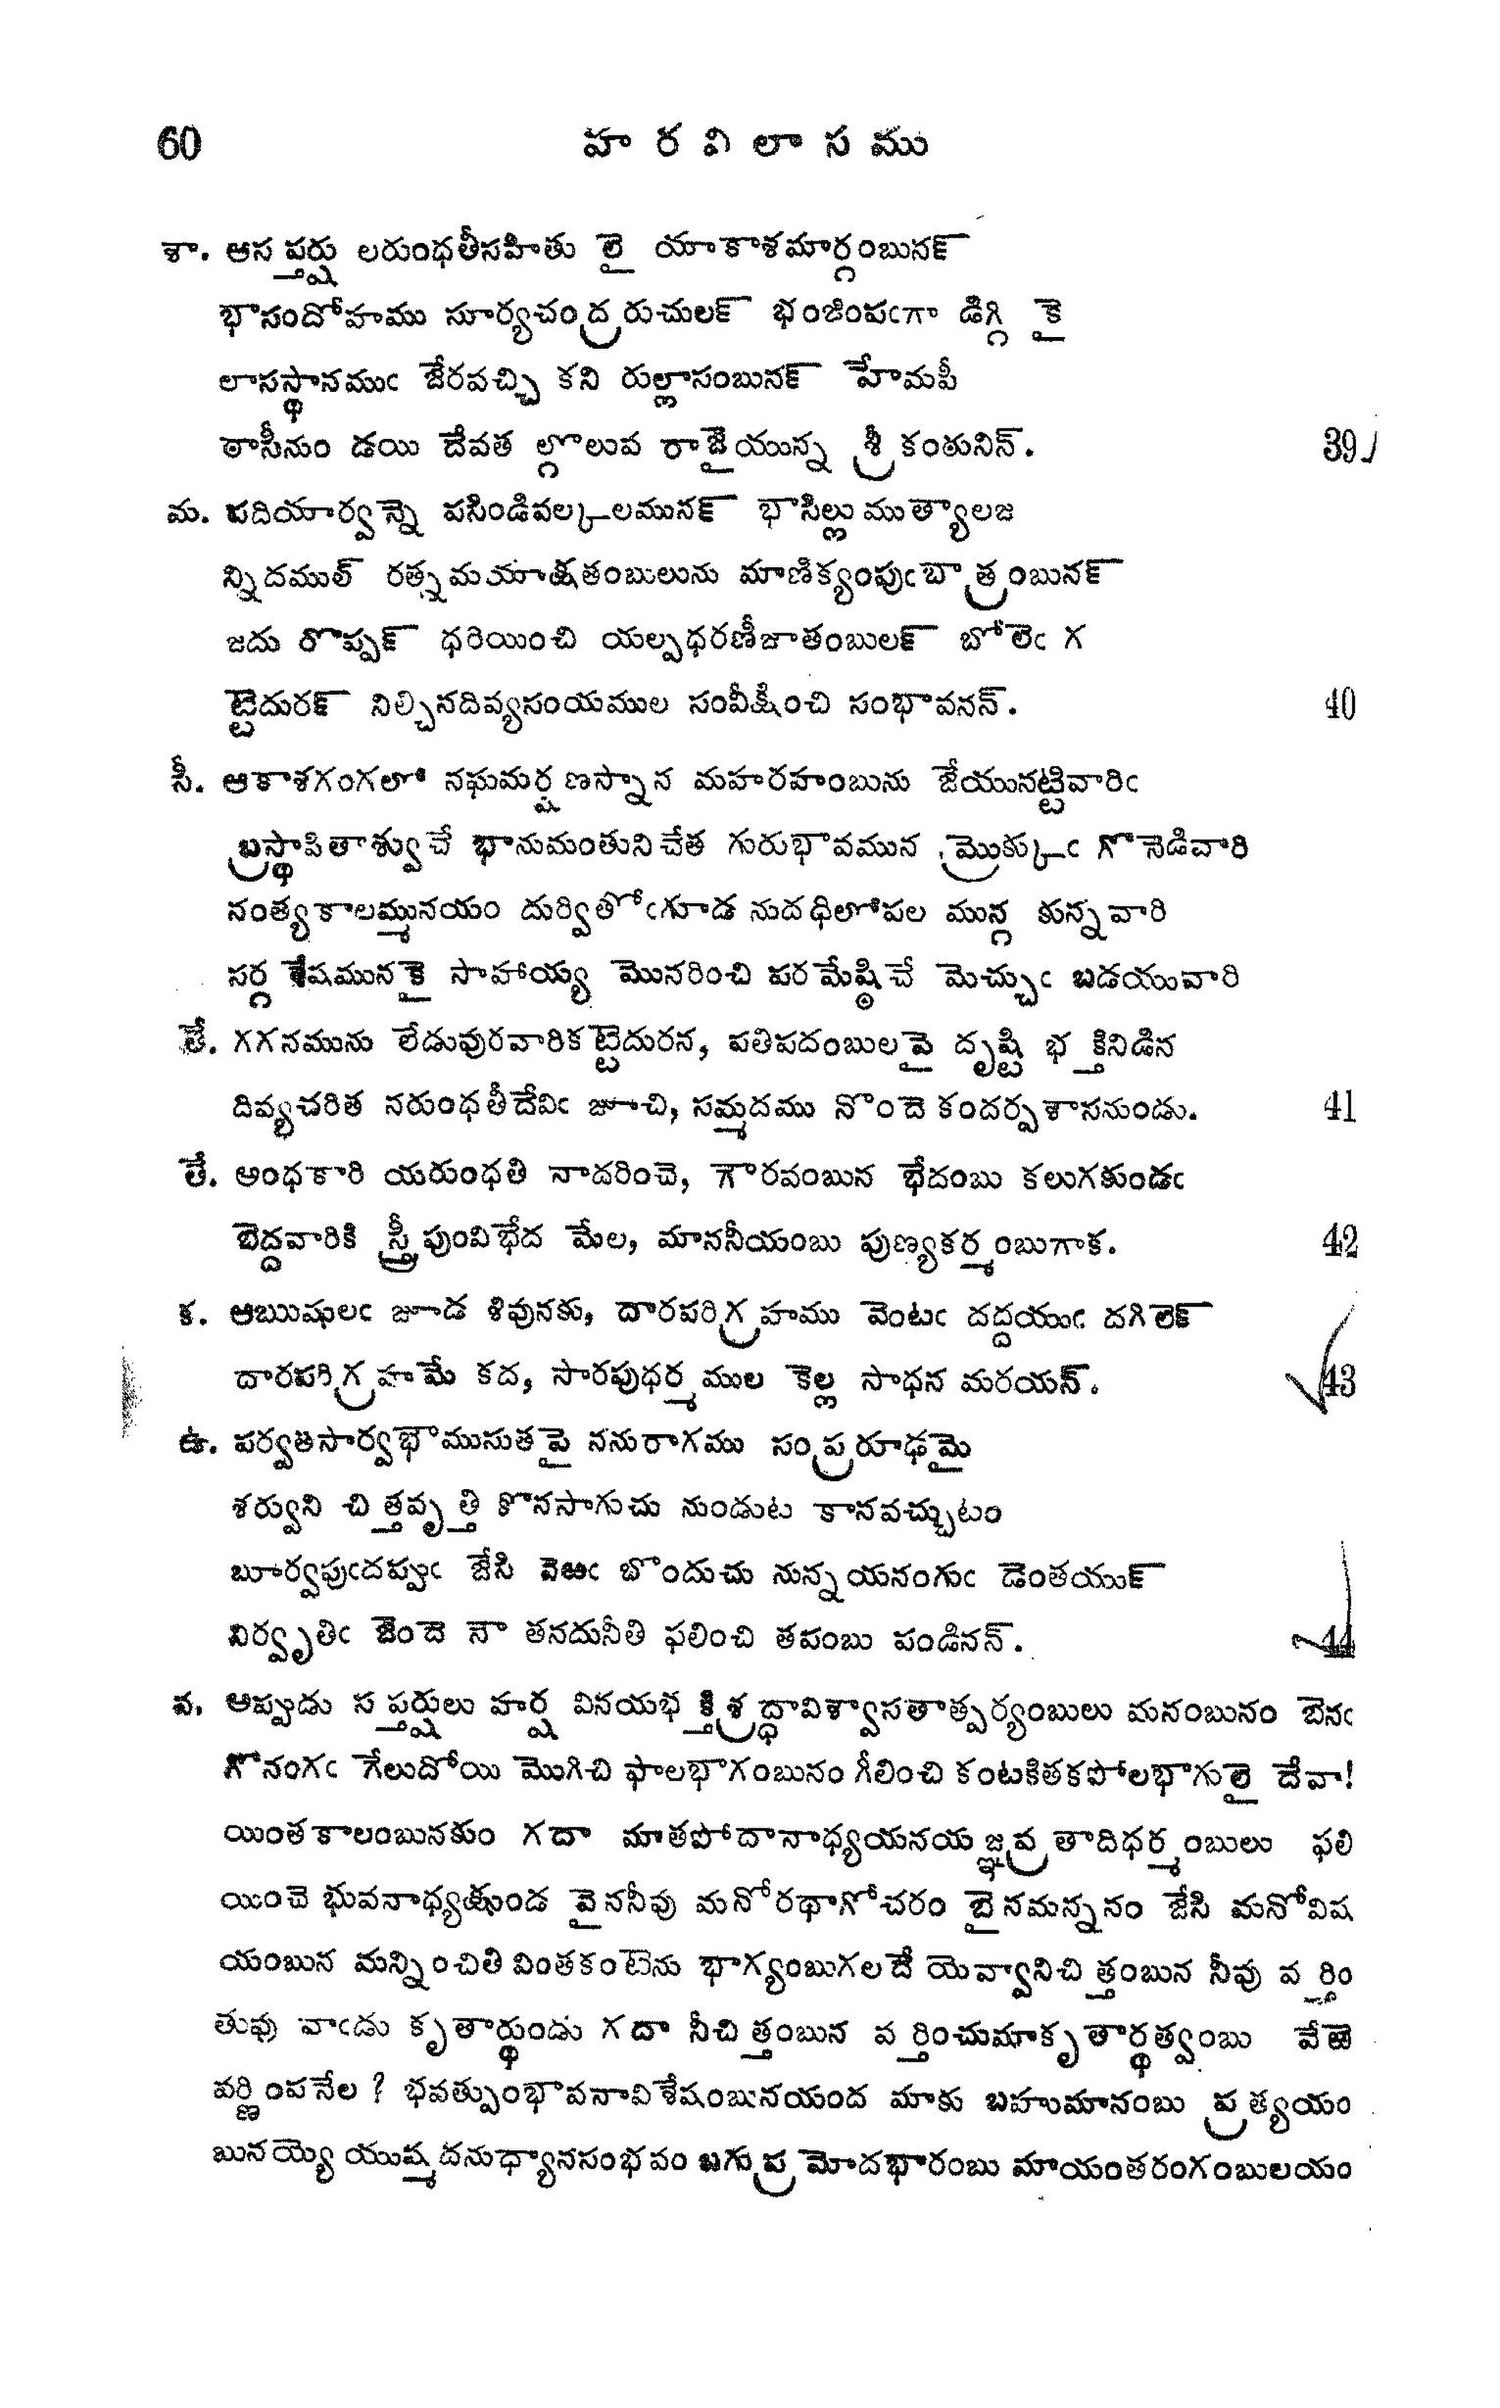శా. ఆసప్తర్షు లరుంధతీసహితు లై యాకాశమారంబునన్
భాసందోహము సూర్యచంద్రరుచులన్ భంజింపఁగా డిగ్గి కై
లాసస్థానముఁ జేరవచ్చి కని రుల్లాసంబునన్ హేమపీ
ఠాసీనుం డయి దేవత ల్గొలువ రాజైయున్న శ్రీకంఠునిన్. 39

మ. పదియార్వన్నె పసిండివల్కలమునన్ భాసిల్లు ముత్యాలజ
న్నిదముల్ రత్నమయాక్షతంబులును మాణిక్యంపుఁబాత్రంబునన్
జదు రొప్పన్ ధరియించి యల్పధరణీజాతంబుల౯ బోలెఁ గ
ట్టెదురన్ నిల్చినదివ్యసంయముల సంవీక్షించి సంభావనన్. 40

సీ. ఆకాశగంగలో నఘమర్షణస్నాన మహరహంబును జేయునట్టివారిఁ
బ్రస్థాపితాశ్వుచే భానుమంతునిచేత గురుభావమున మ్రొక్కుఁ గొనెడివారి
నంత్యకాలమ్మునయం దుర్వితోఁగూడ నుదధిలోపల మున్గకున్నవారి
సర్గశేషమునకై సాహాయ్య మొనరించి పరమేష్ఠిచే మెచ్చుఁ బడయువారి
తే. గగనమును లేడువురవారికట్టెదురన, పతిపదంబులపై దృష్టి భక్తినిడిన
దివ్యచరిత నరుంధతీ దేవిఁ జూచి, సమ్మదము నొందె కందర్పశాసనుండు. 41

తే. అంధకారి యరుంధతి నాదరించె, గౌరవంబున భేదంబు కలుగకుండఁ
బెద్దవారికి స్త్రీపుంవిభేద మేల, మాననీయంబు పుణ్యకర్మంబుగాక. 42

క. ఆఋషులఁ జూడ శివునకు, దారపరిగ్రహము వెంటఁ దద్దయుఁ దగిలెన్
దారపరిగ్రహమే కద, సారపుధర్మముల కెల్ల సాధన మరయన్. 43

ఉ. పర్వతసార్వభౌముసుతపై ననురాగము సంప్రరూఢమై
శర్వుని చిత్తవృత్తి కొనసాగుచు నుండుట కానవచ్చుటం
బూర్వపుఁదప్పుఁ జేసి వెఱఁ బొందుచు నున్నయనంగుఁ డెంతయున్
నిర్వృతిఁ జెందె నౌ తనదునీతి ఫలించి తపంబు పండినన్. 44

వ. ఆప్పుడు సప్తర్షులు హర్షవినయభక్తిశ్రద్ధావిశ్వాసతాత్పర్యంబులు మనంబునం బెనఁగొనంగఁ గేలుదోయి మొగిచి ఫాలభాగంబునం గీలించి కంటకితకపోలభాగులై దేవా! యింతకాలంబునకుం గదా మాతపోదానాధ్యయనయజ్ఞవ్రతాదిధర్మంబులు ఫలియించె భువనాధ్యక్షుండ వైననీవు మనోరథాగోచరం బైనమన్ననం జేసి మనోవిషయంబున మన్నించితి వింతకంటెను భాగ్యంబుగలదే యెవ్వానిచిత్తంబున నీవు వర్తింతువు వాఁడు కృతార్థుండు గదా నీచిత్తంబున వర్తించుమాకృతార్థత్వంబు వేఱె వర్ణింపనేల? భవత్పుంభావనావిశేషంబునయంద మాకు బహుమానంబు ప్రత్యయంబునయ్యె యుష్మదనుధ్యానసంభవం బగుప్రమోదభారంబు మాయంతరంగంబులయం